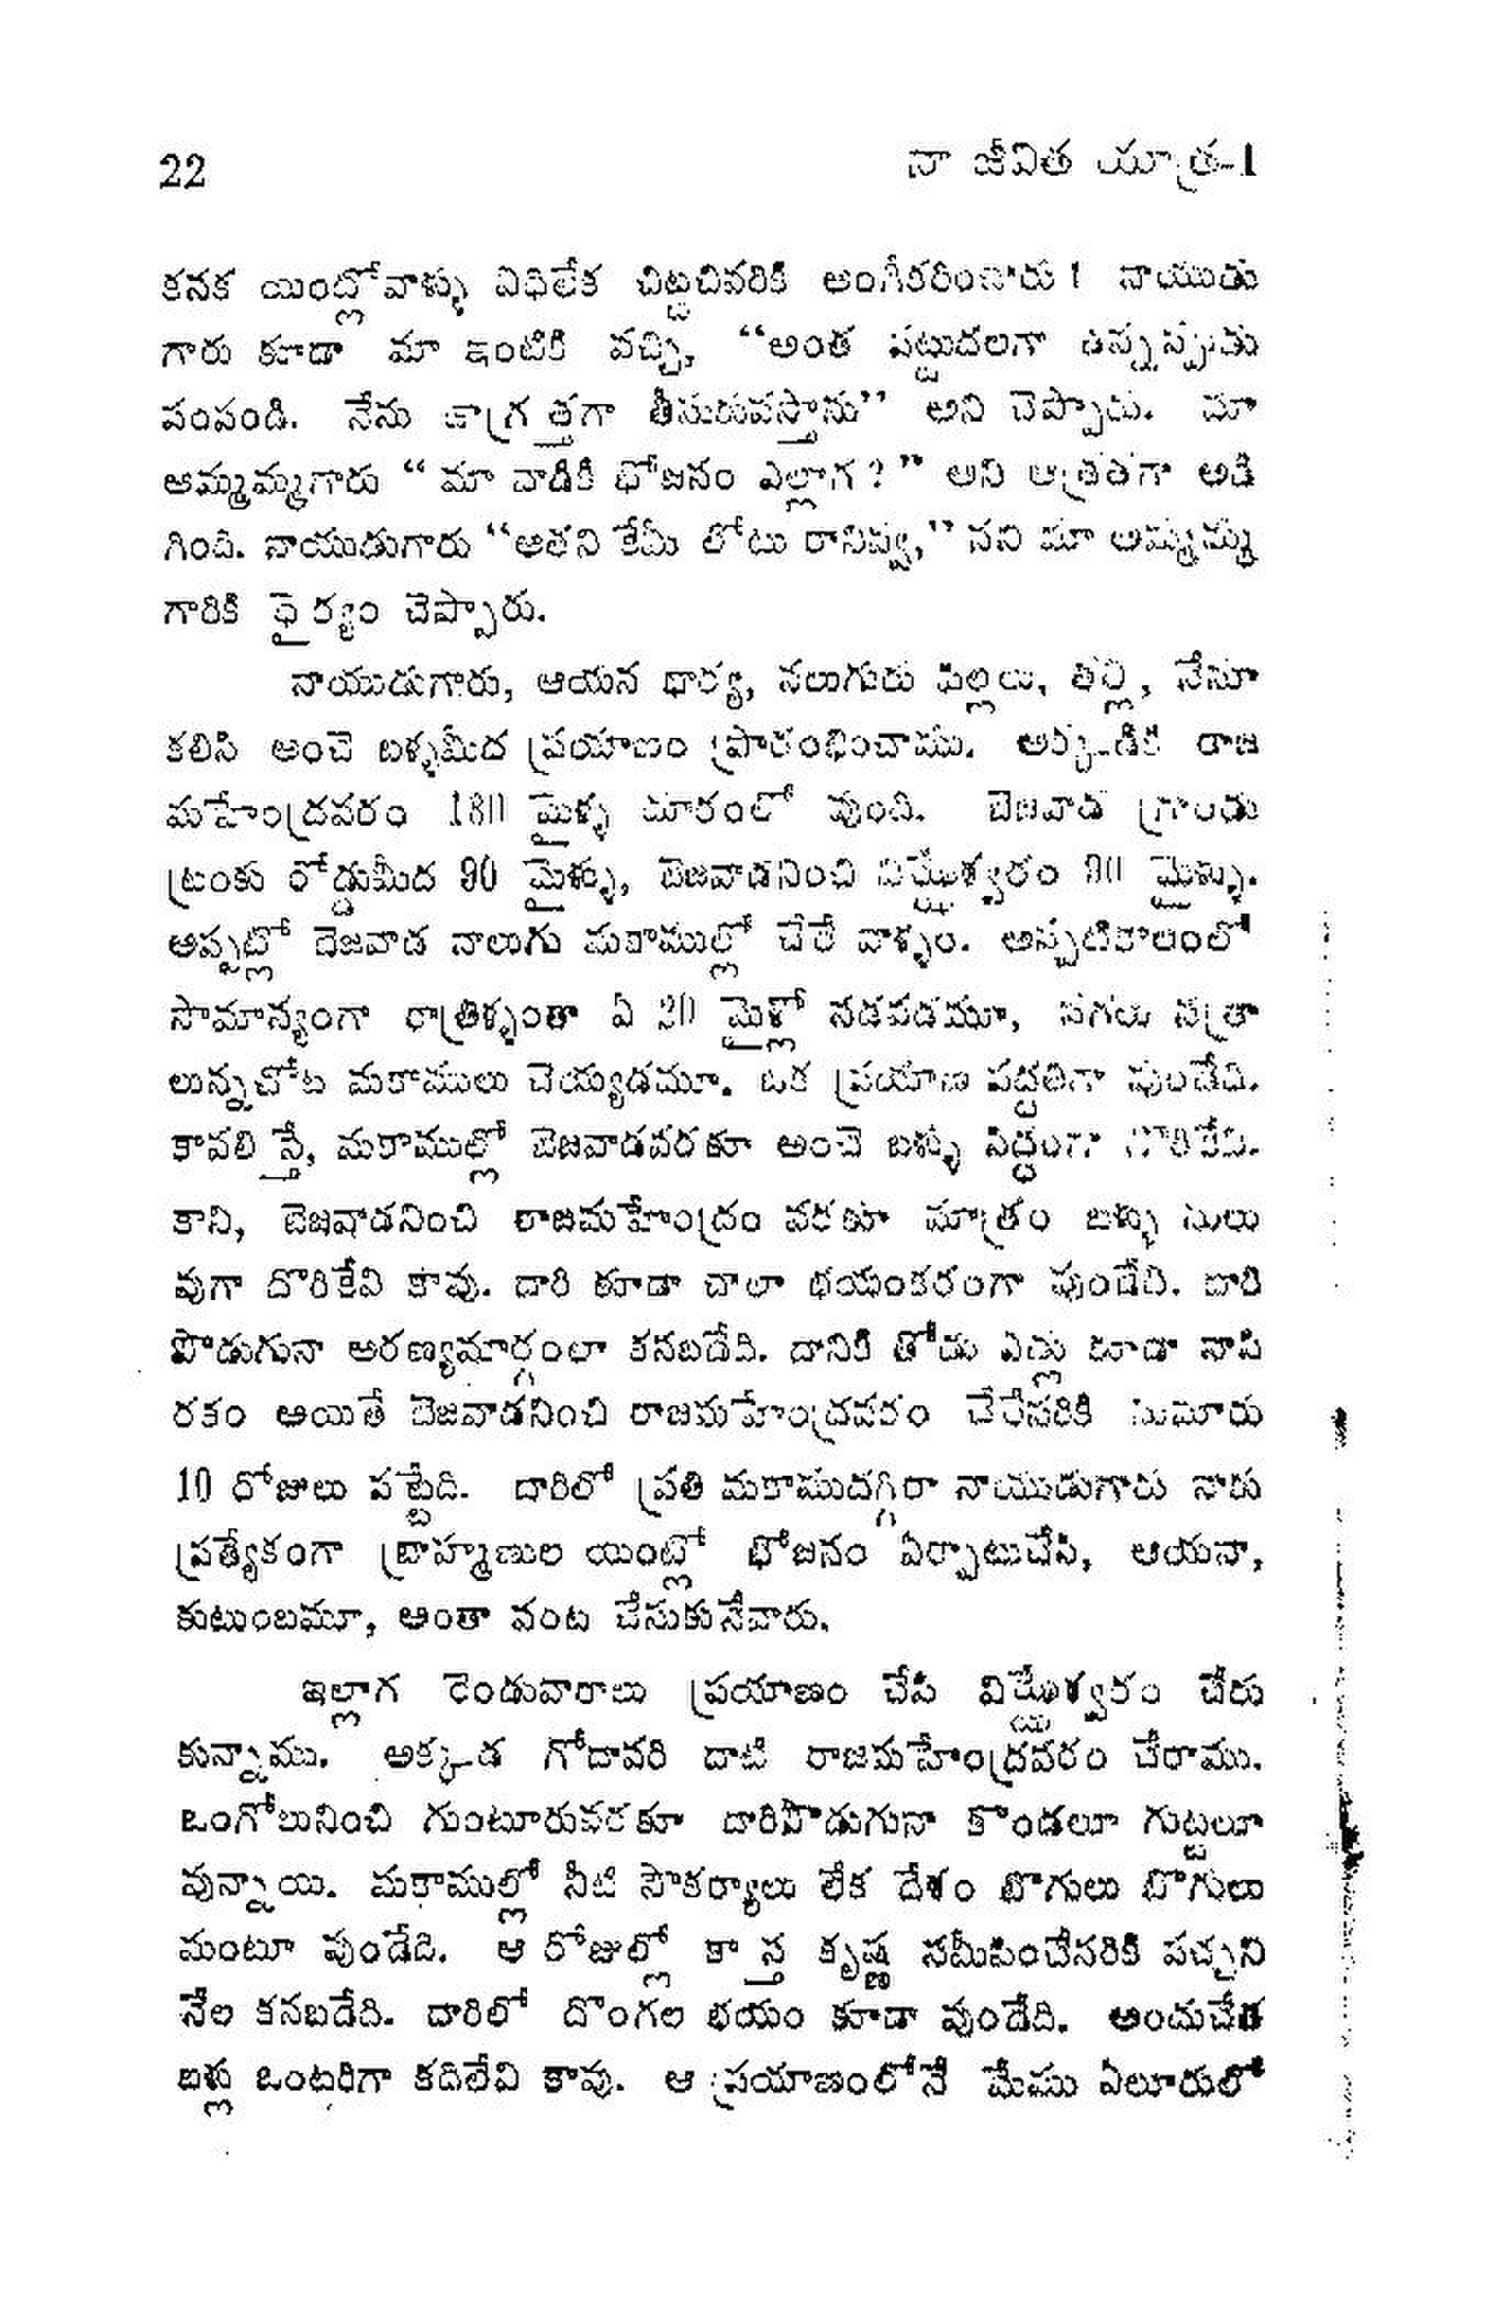కనక యింట్లోవాళ్ళు విధిలేక చిట్టచివరికి అంగీకరించారు! నాయుడుగారు కూడా మా ఇంటికి వచ్చి, "అంత పట్టుదలగా ఉన్నప్పుడు పంపండి. నేను జాగ్రత్తగా తీసుకువస్తాను" అని చెప్పారు. మా అమ్మమ్మగారు "మా వాడికి భోజనం ఎల్లాగ?" అని ఆతృతగా అడిగింది. నాయుడుగారు "అతని కేమీ లోటు రానివ్వ" నని మా అమ్మమ్మగారికి ధైర్యం చెప్పారు.

నాయుడుగారు, ఆయన భార్య, నలుగురు పిల్లలు, తల్లి, నేనూ కలిసి ఆంచె బళ్ళమీద ప్రయాణం ప్రారంభించాము. అక్కడికి రాజమహేంద్రవరం 180 మైళ్ళ దూరంలో వుంది. బెజవాడ గ్రాండు ట్రంకు రోడ్డుమీద 90 మైళ్ళు, బెజవాడనించి విఝ్ఝేశ్వరం 90 మైళ్ళు. అప్పట్లో బెజవాడ నాలుగు మకాముల్లో చేరేవాళ్ళం. అప్పటికాలంలో సామాన్యంగా రాత్రిళ్ళంతా ఏ 20 మైళ్ళో నడవడమూ, పగలు సత్రాలున్నచోట మకాములు చెయ్యటమూ. ఒక ప్రయాణ పద్ధతిగా వుండేది. కావలిస్తే, మకాముల్లో బెజవాడవరకూ అంచె బళ్ళు సిద్ధంగా దొరికేవి. కాని, బెజవాడనించి రాజమహేంద్రవరం వరకూ మాత్రం బళ్ళు సులువుగా దొరికేవి కావు. దారి కూడా చాలా భయంకరంగా వుండేది. దారి పొడుగునా అరణ్యమార్గంలా కనబడేది. దానికితోడు ఎడ్లు కూడా నాసిరకం అయితే బెజవాడనించి రాజమహేంద్రవరం చేరేసరికి సుమారు 10 రోజులు పట్టేది. దారిలో ప్రతి మకాము దగ్గిరా నాయుడుగారు నాకు ప్రత్యేకంగా బ్రాహ్మణుల ఇంట్లో భోజనం ఏర్పాటుచేసి, ఆయనా, కుటుంబమూ, అంతా వంట చేసుకునేవారు.

ఇల్లాగ రెండువారాలు ప్రయాణం చేసి విఝ్ఝేశ్వరం చేరుకున్నాము. అక్కడ గోదావరి దాటి రాజమహేంద్రవరం చేరాము. ఒంగోలునించి గుంటూరు వరకు దారి పొడుగునా కొండలూ, గుట్టలూ వున్నాయి. మకాముల్లో నీటి సౌకర్యాలు లేక దేశం బొగులు బొగులు మంటూ వుండేది. ఆ రోజుల్లో కాస్త కృష్ణ సమీపించేసరికి పచ్చని నేల కనబడేది. దారిలో దొంగల భయం కూడా వుండేది. అందుచేత బళ్ళు ఒంటరిగా కదిలేవి కావు. ఆ ప్రయాణంలోనే మేము ఏలూరులో